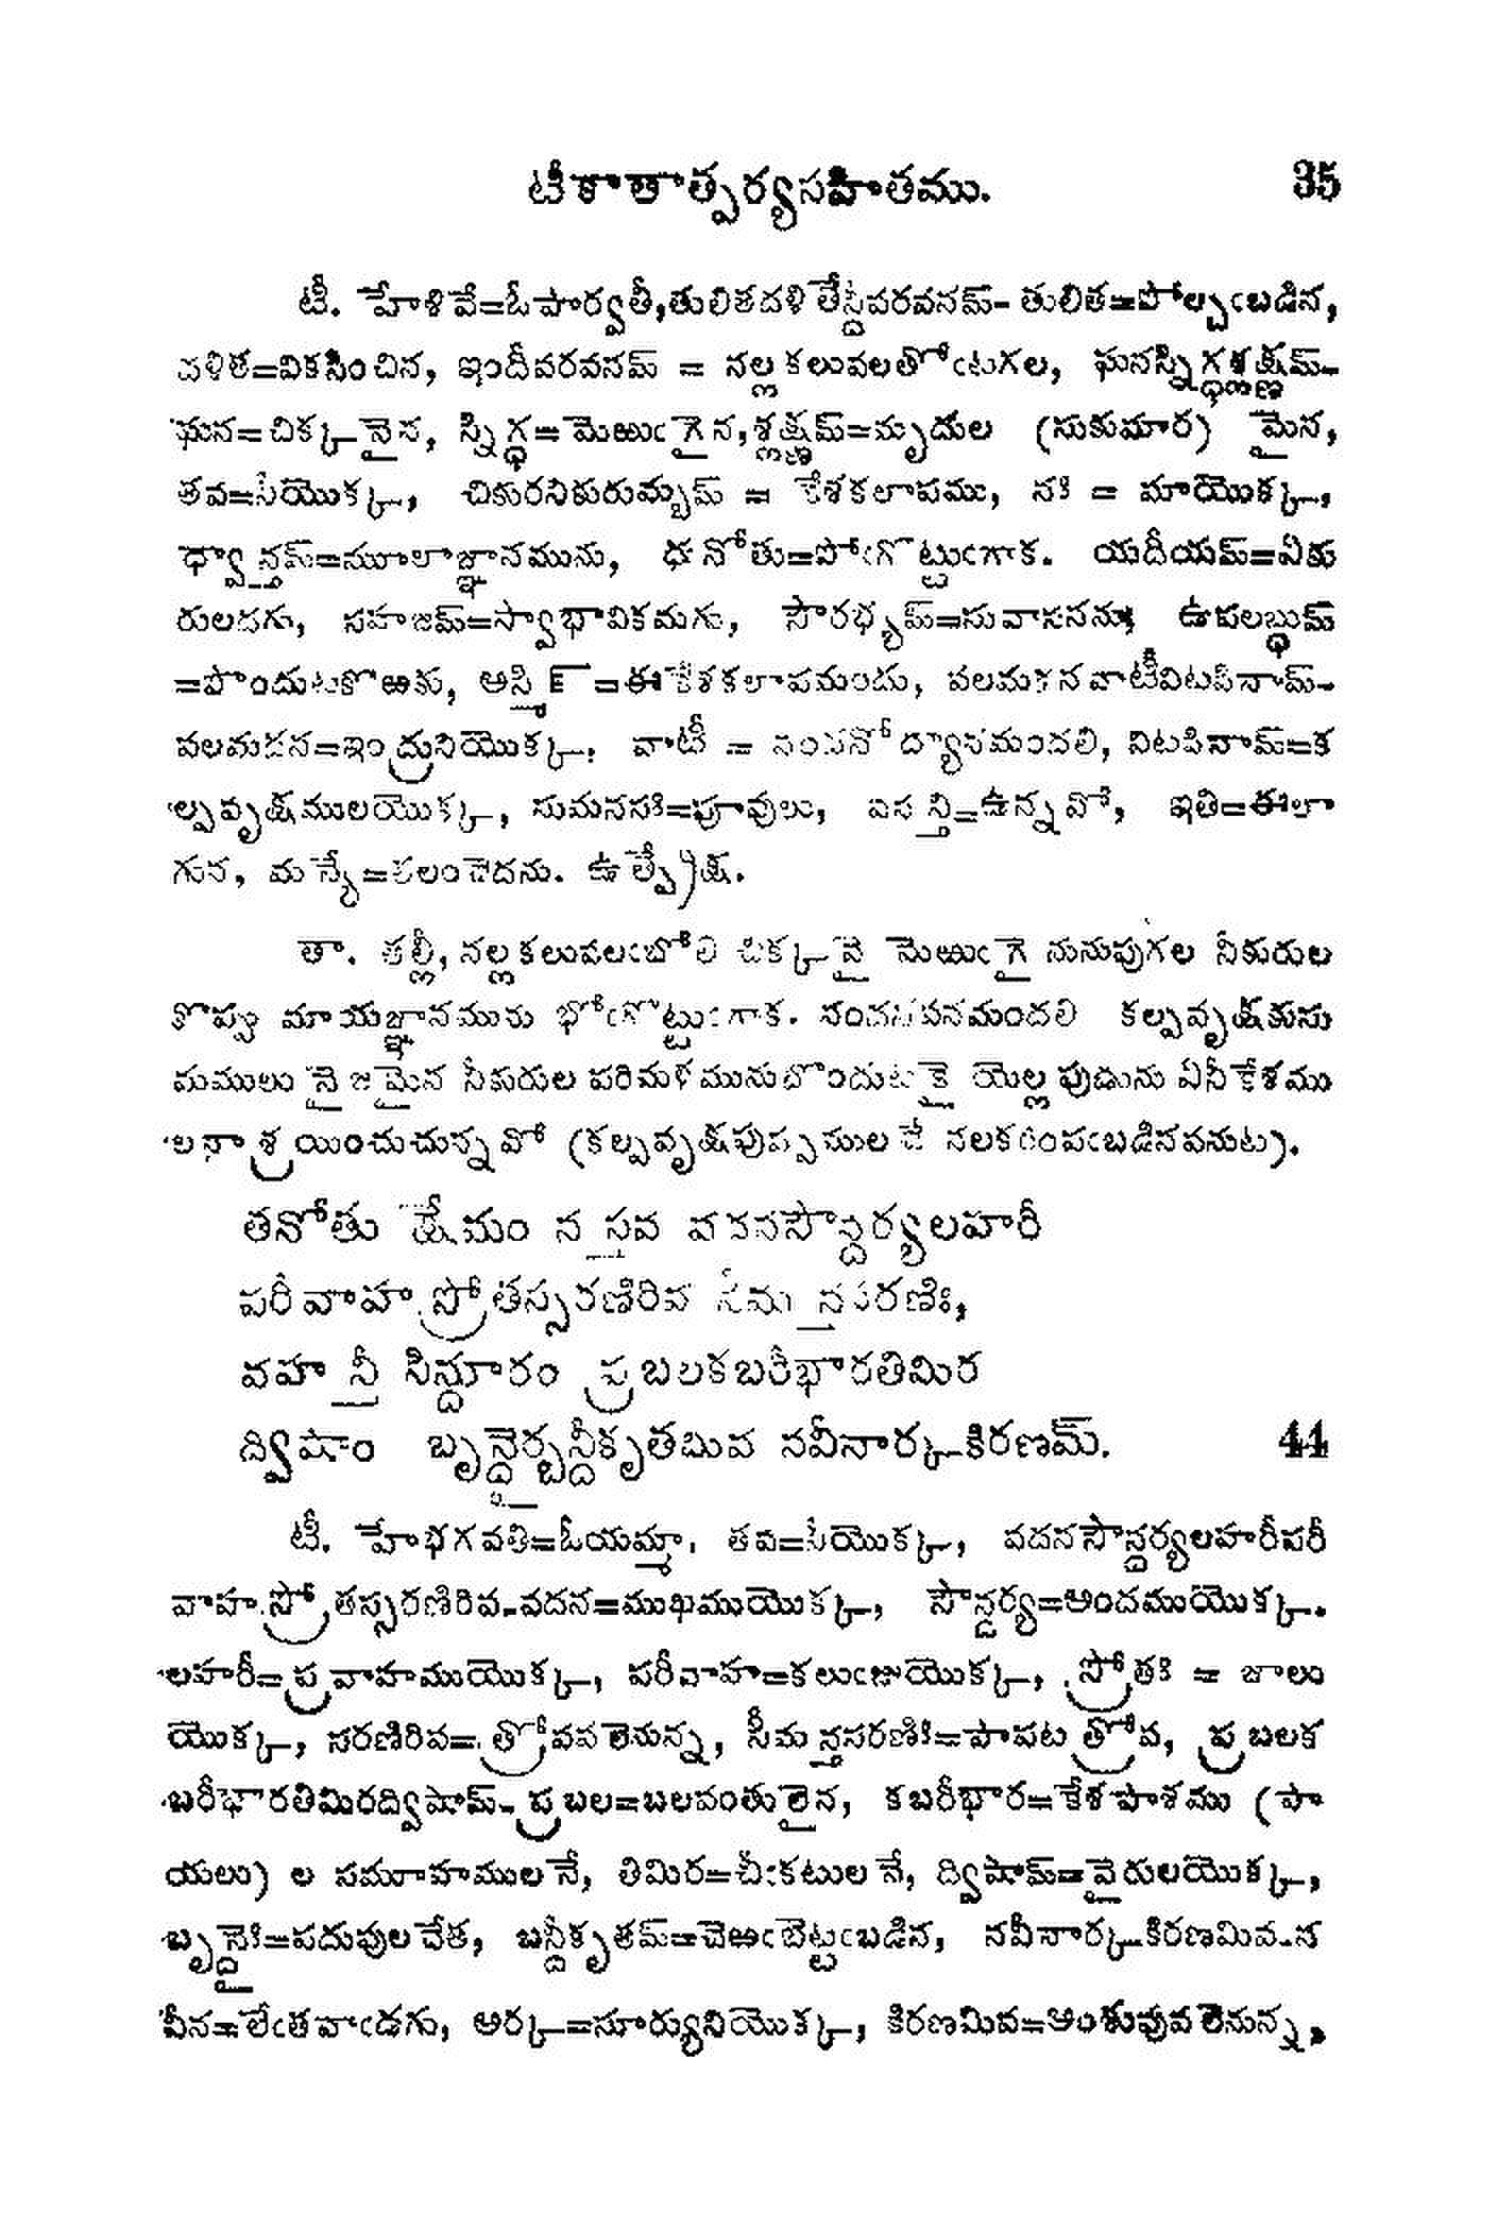టీ. హేశివే = ఓపార్వతీ, తులితదళితేన్దీవరవనమ్-తులిత = పోల్చఁబడిన, దళిత = వికసించిన, ఇందీవరవనమ్ = నల్లకలువలతోఁటగల, ఘనస్నిగ్ధశ్లక్ష్ణమ్-ఘన = చిక్కనైన, స్నిగ్ధ = మెఱుఁగైన, శ్లక్ష్ణమ్ = మృదుల (సుకుమార) మైన, తవ = నీయొక్క, చికురనికురుమ్బమ్ = కేశకలాపము, నః = మాయొక్క, ధ్వాన్తమ్ = మూలాజ్ఞానమును, ధునోతు = పోఁగొట్టుఁగాక, యదీయమ్ = ఏకురులదగు, సహజమ్ = స్వాభావికమగు, సౌరభ్యమ్ = సువాసనను, ఉపలబ్ధుమ్ = పొందుటకొఱకు, ఆస్మిన్ = ఈకేశకలాపమందు, వలమథనవాటీవిటపినామ్-వలమథన = ఇంద్రునియొక్క, వాటీ = నందనోద్యానమందలి, విటపినామ్ = కల్పవృక్షములయొక్క, సుమనసః = పూవులు, వసన్తి = ఉన్నవో, ఇతి = ఈలాగున, మన్యే = తలంచెదను. ఉత్ప్రేక్ష.

తా. తల్లీ, నల్లకలువలఁబోలి చిక్కవై మెఱుఁగై నునుపుగల నీకురుల కొప్పు మాయజ్ఞానమును బోఁగొట్టుఁగాక. నందనవనమందలి కల్పవృక్షకుసుమములు నైజమైన నీకురుల పరిమళమునుబొందుటకై యెల్లపుడును ఏనీకేశముల నాశ్రయించుచున్నవో (కల్పవృక్షపుష్పములచే నలంకరింపఁబడినవనుట).

తనోతు క్షేమం నస్తవ వదనసౌన్దర్యలహరీ
పరీవాహ స్రోతస్సరణిరివ సీమన్తసరణిః,
వహన్తీ సిన్దూరం ప్రబలకబరీభారతిమిర
ద్విషాం బృన్దైర్బన్దీకృతమివ నవీనార్కకిరణమ్. 44
టీ. హేభగవతి = ఓయమ్మా, తవ = నీయొక్క, వదనసౌన్దర్యలహరీపరీవాహస్రోతస్సరణిరివ-వదన = ముఖముయొక్క, సౌన్దర్య = అందముయొక్క, లహరీ = ప్రవాహముయొక్క, పరీవాహ = కలుఁజుయొక్క, స్రోతః = జాలుయొక్క, సరణిరివ = త్రోవవలెనున్న, సీమన్తసరణిః = పాపటత్రోవ, ప్రబలకబరీభారతిమిరద్విషామ్-ప్రబల = బలవంతులైన, కబరీభార = కేశపాశము (పాయలు) ల సమూహములనే, తిమిర = చీఁకటులనే, ద్విషామ్ = వైరులయొక్క, బృన్దైః = పదువులచేత, బన్దీకృతమ్ = చెఱఁబెట్టఁబడిన, నవీనార్కకిరణమివ-నవీన = లేఁతవాఁడగు, అర్క = సూర్యునియొక్క, కిరణమివ = అంశువువలెనున్న,